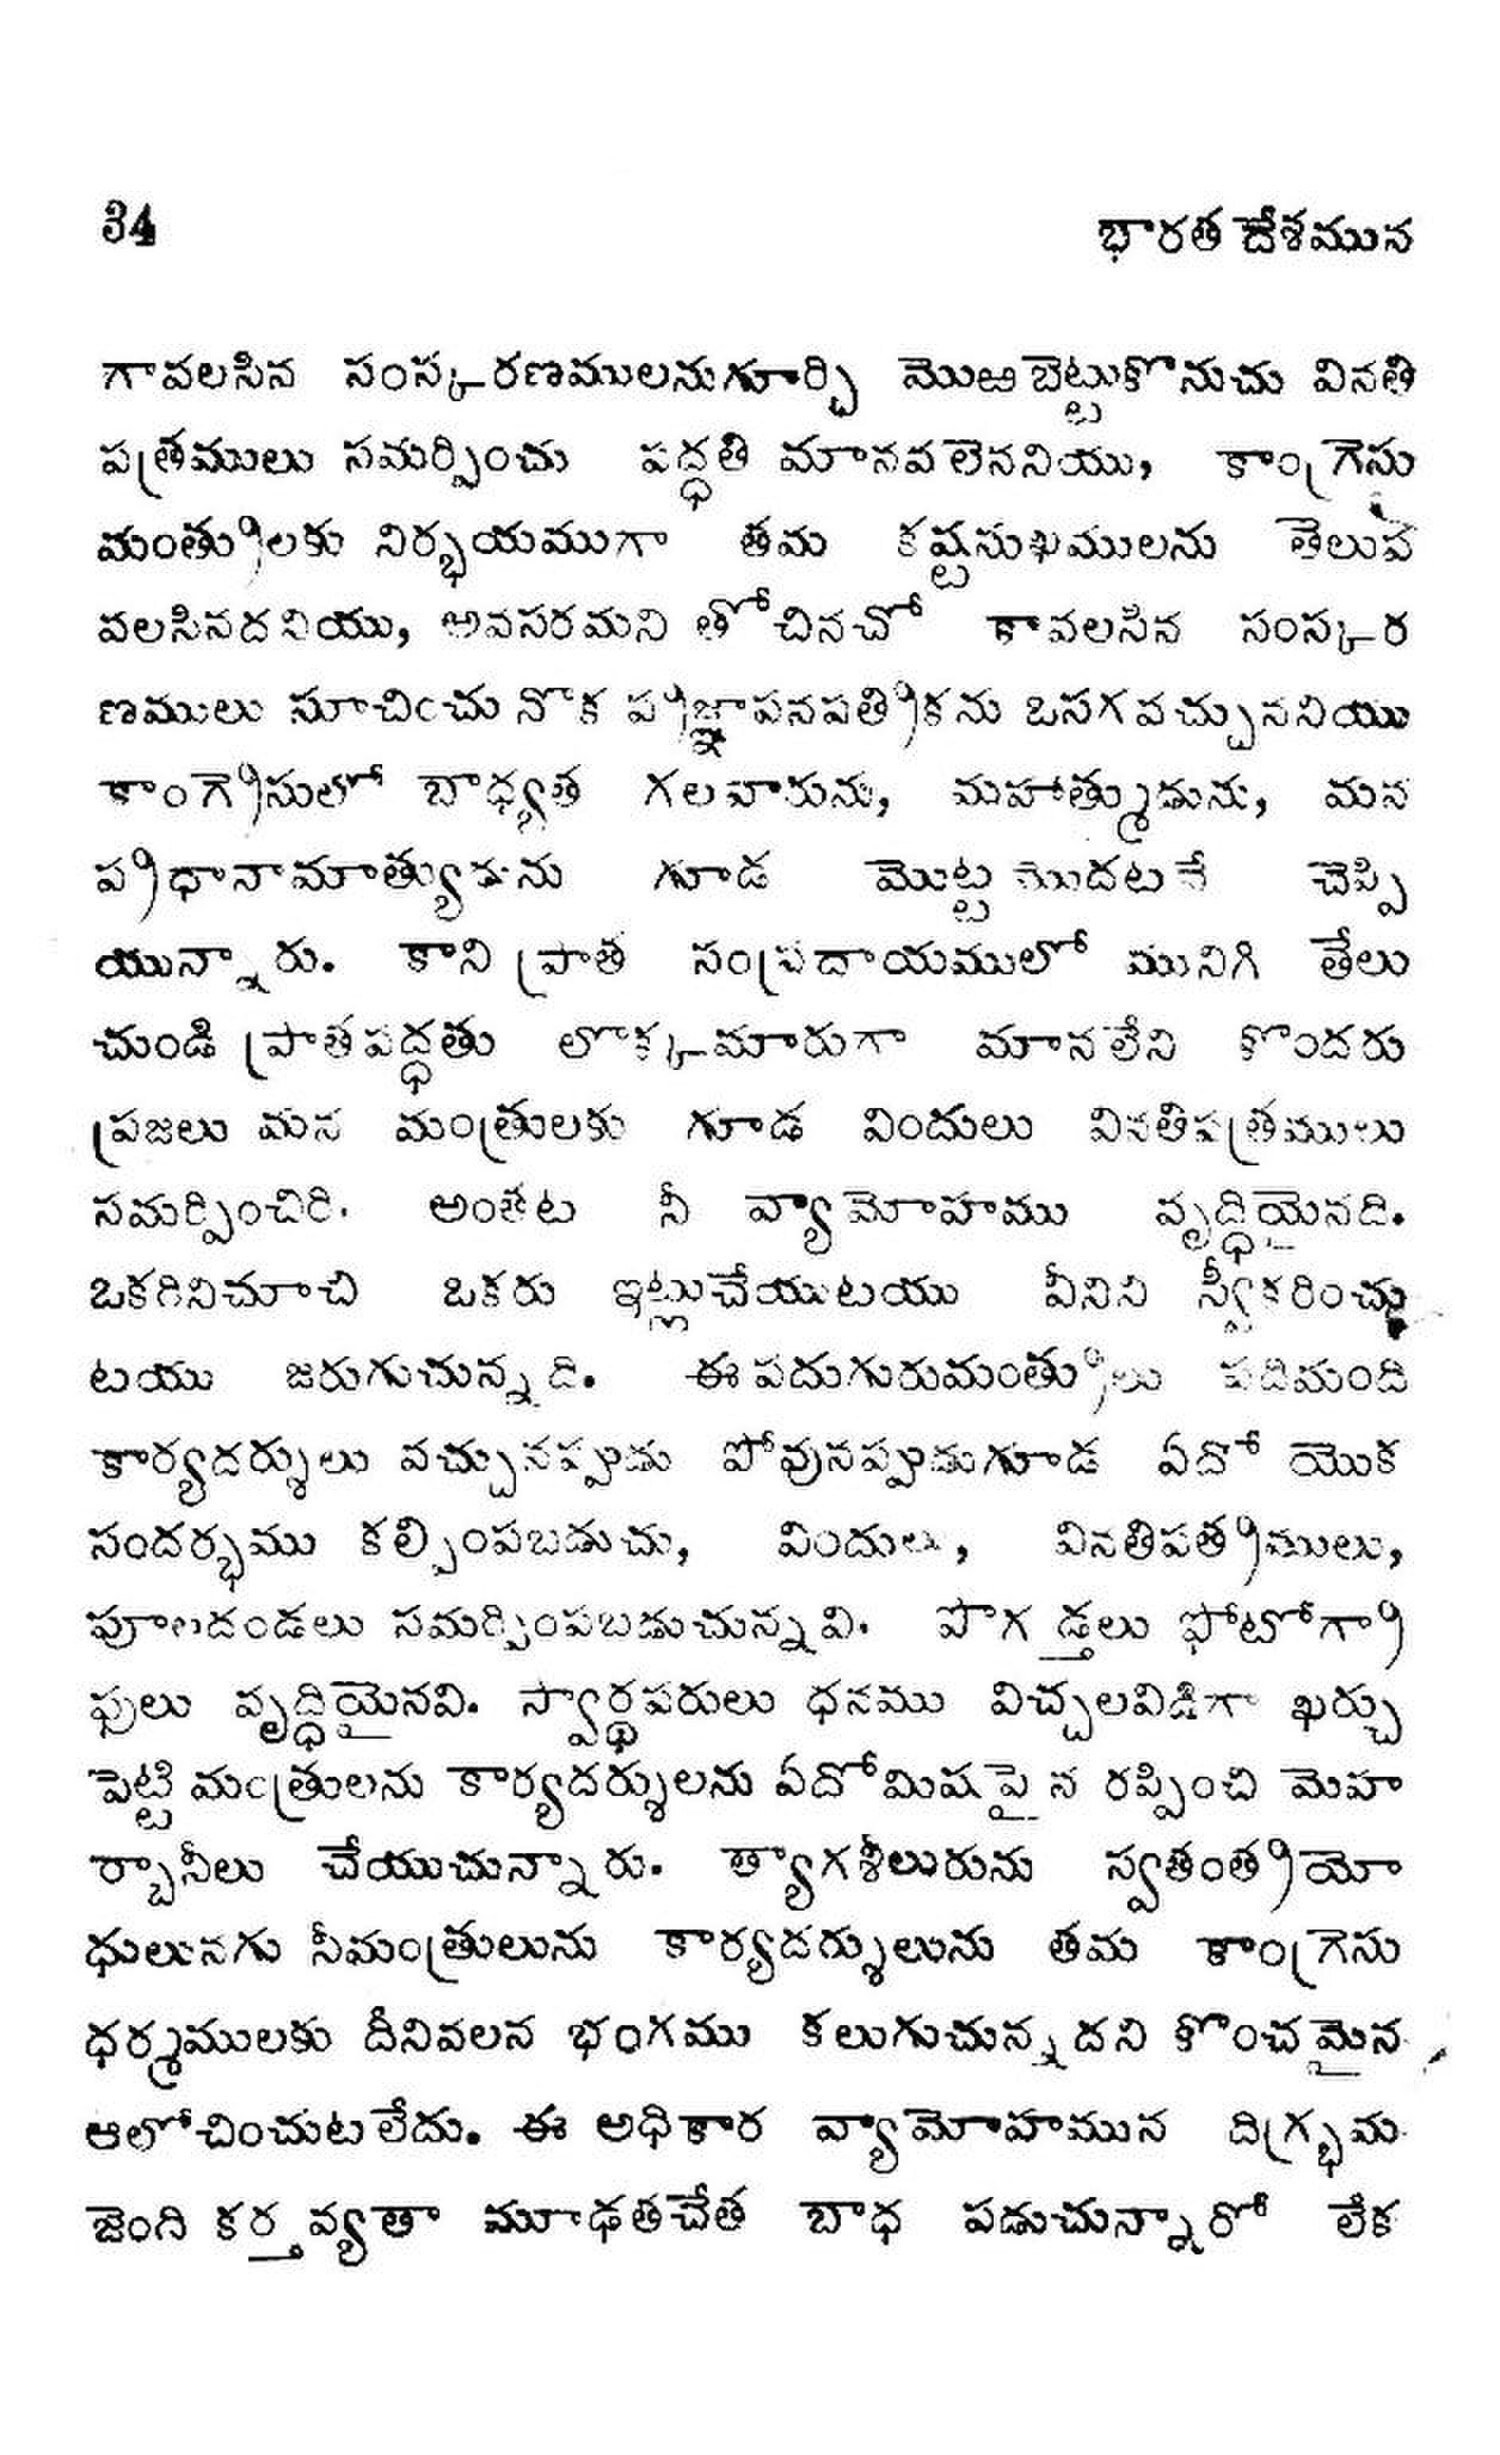గావలసిన సంస్కరణములనుగూర్చి మొఱబెట్టుకొనుచు వినతి పత్రములు సమర్పించు పద్ధతి మానవలెననియు, కాంగ్రెసు మంత్రులకు నిర్భయముగా తమ కష్టసుఖములను తెలుప వలసినదనియు, అవసరమని తోచినచో కావలసిన సంస్కరణములు సూచిఁచు నొక పజ్ఞాపనపత్రికను ఒసగవచ్చుననియు కాంగ్రెసులో బాధ్యత గలవారును, మహాత్ముడును, మన ప్రధానామాత్యుడును గూడ మొట్టమొదటనే చెప్పియున్నారు. కాని ప్రాత సంప్రదాయములో మునిగి తేలుచుండి ప్రాతపద్దతు లొక్కమారుగా మానలేని కొందరు ప్రజలు మన మంత్రులకు గూడ విందులు వినతిపత్రములు సమర్పించిరి. అంతట నీ వ్యామోహము వృద్ధియైనది. ఒకరినిచూచి ఒకరు ఇట్లుచేయుటయు వీనిని స్వీకరించుటయు జరుగుచున్నది. ఈ పదుగురుమంత్రులు పదిమంది కార్యదర్శులు వచ్చునప్పుడు పోవునప్పుడు గూడ ఏదో యొక సందర్భము కల్పింపబడుచు, విందులు, వినతిపత్రములు, పూలదండలు సమర్పింపబడుచున్నవి. పొగడ్తలు ఫోటోగ్రాఫులు వృద్ధియైనవి. స్వార్థపరులు ధనము విచ్చలవిడిగా ఖర్చుపెట్టి మంత్రులను కార్యదర్శులను ఏదోమిషపైన రప్పించి మెహర్బానీలు చేయుచున్నారు. త్యాగశీలురును స్వతంత్రయోధులునగు నీమంత్రులును కార్యదర్శులును తమ కాంగ్రెసు ధర్మములకు దీనివలన భంగము కలుగుచున్నదని కొంచమైన , ఆలోచించుటలేదు. ఈ అధికార వ్యామోహమున దిగ్ర్భమజెంది కర్తవ్యతా మూఢతచేత బాధ పడుచున్నారో లేక